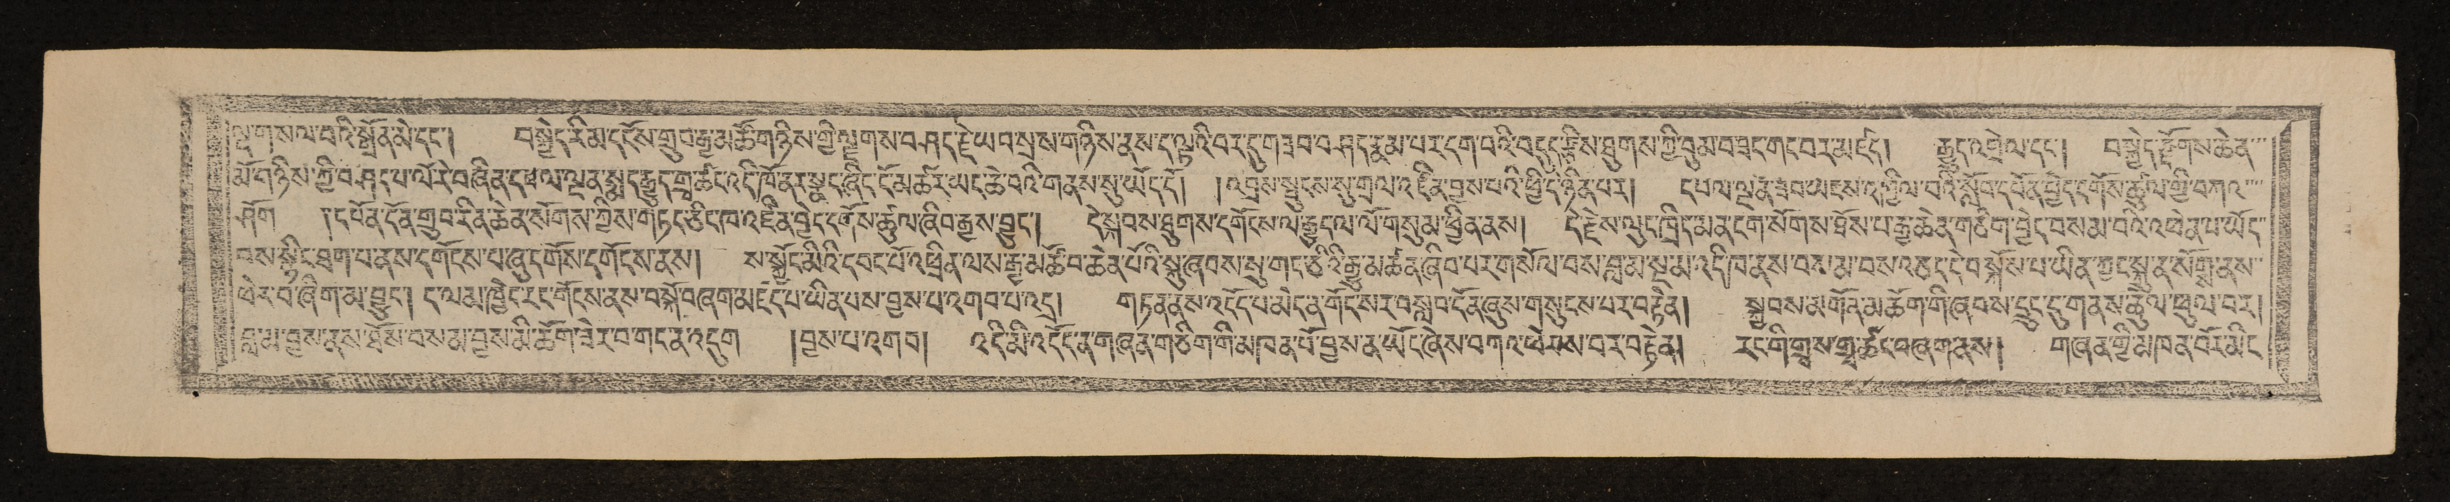ལྔ་གསལ་བའི་སྒྲོན་མེ་དང་། བསྐྱེད་རིམ་དངོས་གྲུབ་རྒྱ་མཚོ་གཉིས་ཀྱི་ལྗགས་བཤད་རྗེ་ཡབ་སྲས་གཉིས་ནས་ད་ལྟའི་བར་དུ་གཟབ་བཤད་རྣམ་པར་དག་པའི་བདུད་རྩིས་ཐུགས་ཀྱི་བུམ་བཟང་གང་བར་མཛད། རྒྱུད་འགྲེལ་དང་། བསྐྱེད་རྫོགས་ཆེན་
མོ་གཉིས་ཀྱི་བཤད་པ་ལོ་རེ་བཞིན་དཔལ་ལྡན་སྨད་རྒྱུད་གྲྭ་ཚང་འདི་ཁོ་ནར་སྣང་ཞིང་ངོ་མཚར་ཡང་ཆེ་བའི་གནས་སུ་ཡོད་དོ། །འབྲས་སྤུངས་སུ་གྲལ་འཛིན་བྱས་པའི་ཕྱི་དེ་ཉིན་པར། དཔལ་ལྡན་ཟབ་ཡངས་འཁྱིལ་བའི་སློབ་དཔོན་བྱེད་དགོས་ཚུལ་གྱི་བཀའ་
ཤོག ༑དཔོན་དོན་གྲུབ་རིན་ཆེན་སོགས་ཀྱིས་གཏད་ཅིང་ཁ་འཛིན་བྱེད་དགོས་ཚུལ་ཞིབ་རྒྱས་བྱུང་། དེ་སྐབས་ཐུགས་དགོངས་ལ་རྒྱུད་ལ་ལོ་གསུམ་ཕྱིན་ནས། དེ་རྗེས་ལུང་ཁྲིད་མན་ངག་སོགས་ཐོས་པ་རྒྱ་ཆེན་གཅིག་བྱེད་བསམ་པའི་འཕེན་པ་ཡོད་
པས་སྙིང་ཐག་པ་ནས་དགོངས་པ་ཞུ་དགོས་དགོངས་ནས། ས་སྐྱོང་མིའི་དབང་པོ་འཕྲིན་ལས་རྒྱ་མཚོ་བ་ཆེན་པོའི་སྐུ་ཞབས་སུ་གང་ཅིའི་རྒྱུ་མཚན་ཞིབ་བར་གསོལ་བས་བླ་མ་སྔ་མ་འདི་ཁ་ནས་བསམ་པས་བཅད་དེ་བསྐོས་པ་ཡིན་ཀྱང་སྐུ་ན་སོགས་ནས་
ཕེར་བ་ཞིག་མ་བྱུང་། ད་ལམ་ཁྱེད་རང་གོང་ས་ནས་བསྐོ་བཞག་མཛད་པ་ཡིན་པས་བྱས་པ་འགབ་པ་འདྲ། གཏན་ནས་འདོད་པ་མེད་ན་གོང་སར་བསླབ་དོན་ཞུས་གསུངས་པར་བརྟེན། སྐྱབས་མགོན་མཆོག་གི་ཞབས་དྲུང་དུ་གནས་ཚུལ་ཕུལ་བར།
བླ་མ་བྱས་ནས་ཐོས་བསམ་བྱས་མི་ཆོག་ཟེར་བ་གདན་འདུག །བྱས་པ་འགབ། འདི་མི་འདོད་ན་གཞན་གཅིག་གི་མཁན་པོ་བྱས་ན་ཡོང་ཞེས་བཀའ་ཕེབས་པར་བརྟེན། རང་གི་གྲྭ་ས་གྲྭ་ཚང་བཞག་ནས། གཞན་གྱི་མཁན་པོར་མིང་